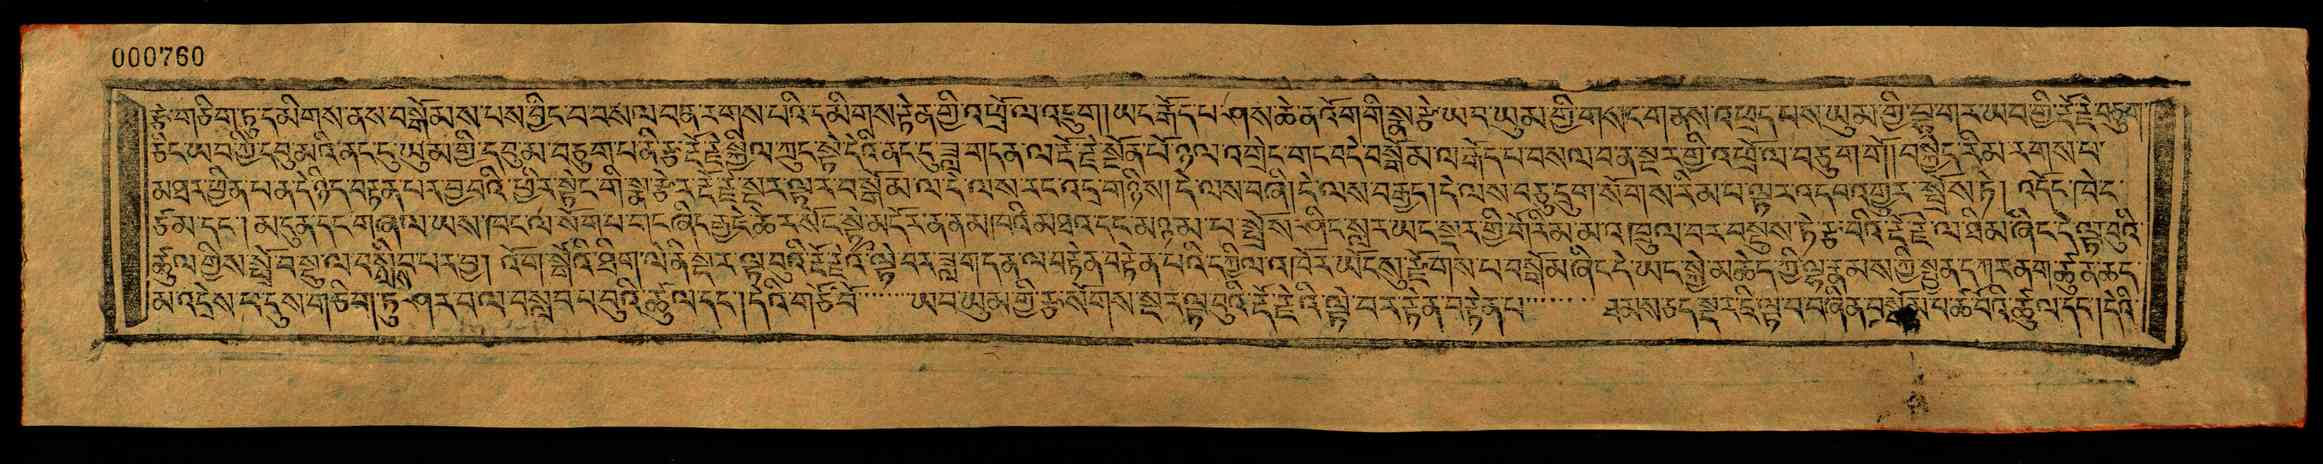རྩེ་གཅིག་ཏུ་དམིགས་ནས་བསྒོམས་པས་བྱིང་བ་བསལ་བ་ན་རགས་པའི་དམིགས་རྟེན་གྱི་འཕྲོ་ལ་འཇུག །ཡང་རྒོད་པ་ཤས་ཆེ་ན་འོག་གི་སྣ་རྩེ་ཡབ་ཡུམ་གྱི་གསང་གནས་འཕྲད་པས་ཡུམ་གྱི་བྷཱ་གར་ཡབ་གྱི་རྡོ་རྗེ་བཅུག་
ཅིང་ཡབ་ཀྱི་དབུ་མའི་ནང་དུ་ཡུམ་གྱི་དབུ་མ་བཅུག་པ་ནི་རྩ་རྡོ་རྗེ་སྐྱིལ་ཀྲུང་སྟེ་དེའི་ནང་དུ་ཟླ་གདན་ལ་རྡོ་རྗེ་སྔོན་པོ་ཉལ་འགྲེང་གང་བདེ་བསྒོམ་ལ་རྒོད་པ་བསལ་བ་ན་སྔར་གྱི་འཕྲོ་ལ་འཇུག་གོ །བསྐྱད་རིམ་རགས་པ་
མཐར་ཕྱིན་པ་ན་དེ་ཉིད་བརྟན་པར་བྱ་བའི་ཕྱིར་སྟེང་གི་སྣ་རྩེར་རྡོ་རྗེ་སྔར་ལྟར་བསྒོམ་ལ་དེ་ལས་རང་འདྲ་གཉིས། དེ་ལས་བཞི། དེ་ལས་བརྒྱད། དེ་ལས་བཅུ་དྲུག་སོགས་རིམ་པ་ལྟར་འདབ་འགྱུར་སྤྲོས་ཏེ། གདོང་ཁེབ་
ཙམ་དང་། མདུན་དང་གཞལ་ཡས་ཁང་ལ་སོག་པ་གང་ཞིང་རྒྱ་ཇེ་ཆེར་སོང་སྟེ་མདོར་ན་ནམ་མཁའི་མཐའ་དང་མཉམ་པ་སྤྲོས་ཤིང་སླར་ཡང་སྔར་གྱི་གོ་རིམ་མ་འཁྲུལ་བར་བསྡུས་ཏེ་རྩ་བའི་རྡོ་རྗེ་ལ་ཐིམ་ཞིང་དེ་ལྟ་བུའི་
ཚུལ་གྱིས་སྤྲོ་བསྡུ་ལ་བསླབ་པར་བྱ། འོག་སྒོའི་ཐིག་ལེ་ནི་སྔར་ལྟ་བུའི་རྡོ་རྗེའི་ལྟེ་བར་ཟླ་གདན་ལ་རྟེན་བརྟེན་པའི་དཀྱིལ་འཁོར་ཡོངས་སུ་རྫོགས་པ་བསྒོམ་ཞིང་དེ་ཡང་སྐྱེ་མཆེད་ཀྱི་ལྷ་རྣམས་ཀྱི་སྤྱན་དཀར་ནག་ཚུན་ཆད་
མ་འདྲེས་པ་དུས་གཅིག་ཏུ་ཤར་བ་ལ་བསླབ་པ་བུའི་ཚུལ་དང་། དེའི་གཙོ་བོ་ཡབ་ཡུམ་གྱི་རྩ་སོགས་སྔར་ལྟ་བུའི་རྡོ་རྗེའི་ལྟེ་བར་རྟེན་བརྟེན་པ་ཐམས་ཅད་སྔར་ཇི་ལྟ་བ་བཞིན་བསྒོམ་པ་ཚ་བོའི་ཚུལ་དང་། དེའི་